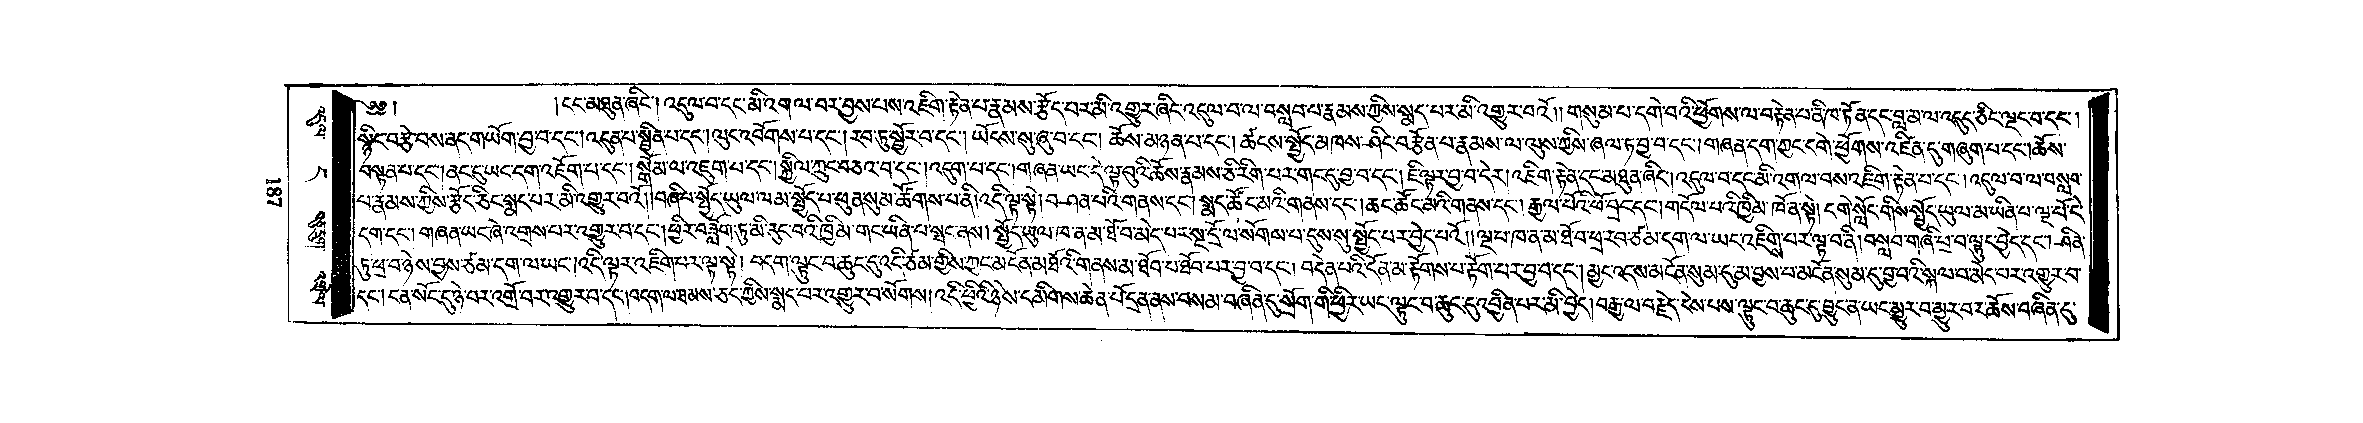༄༅། །དང་མཐུན་ཞིང་། འདུལ་བ་དང་མི་འགལ་བར་བྱས་པས་འཇིག་རྟེན་པ་རྣམས་རྩོད་པར་མི་འགྱུར་ཞིང་འདུལ་བ་ལ་བསླབ་པ་རྣམས་ཀྱིས་སྨད་པར་མི་འགྱུར་བའོ། །གསུམ་པ་དགེ་བའི་ཕྱོགས་ལ་བརྟེན་པ་ནི་ཁ་ཏོན་དང་བླ་མ་ལ་འདུད་ཅིང་ལྡང་བ་དང་།
སྙིང་བརྩེ་བས་ནད་གཡོག་བྱ་བ་དང་། འདུན་པ་སྦྱིན་པ་དང་། ལུང་འབོགས་པ་དང་། རབ་ཏུ་སྦྱོར་བ་དང་། ཡོངས་སུ་ཞུ་བ་དང་། ཆོས་མཉན་པ་དང་། ཚངས་སྤྱོད་མཁས་ཤིང་བརྩོན་པ་རྣམས་ལ་ལུས་ཀྱིས་ཞལ་ཏ་བྱ་བ་དང་། གཞན་དག་ཀྱང་དགེ་ཕྱོགས་འཛིན་དུ་གཞུག་པ་དང་། ཆོས་
བསྟན་པ་དང་། ནང་དུ་ཡང་དག་འཇོག་པ་དང་། སྒོམ་ལ་འཇུག་པ་དང་། སྐྱིལ་ཀྲུང་བཅའ་བ་དང་། འདུག་པ་དང་། གཞན་ཡང་དེ་ལྟ་བུའི་ཆོས་རྣམས་ཅི་རིག་པར་གང་དུ་བྱ་བ་དང་། ཇི་ལྟར་བྱ་བ་དེར། འཇིག་རྟེན་དང་མཐུན་ཞིང་། འདུལ་བ་དང་མི་འགལ་བས་འཇིག་རྟེན་པ་དང་། འདུལ་བ་ལ་བསླབ་
པ་རྣམས་ཀྱིས་རྩོད་ཅིང་སྨད་པར་མི་འགྱུར་བའོ། །བཞི་པ་སྤྱོད་ཡུལ་ལམ་སྤྱོད་པ་ཕུན་སུམ་ཚོགས་པ་ནི། འདི་ལྟ་སྟེ། བཤན་པའི་གནས་དང་། སྨད་ཚོང་མའི་གནས་དང་། ཆང་ཚོང་མའི་གནས་དང་། རྒྱལ་པོའི་ཕོ་བྲང་དང་། གདོལ་པའི་ཁྱིམ་ཁོ་ན་སྟེ། དགེ་སློང་གིས་སྤྱོད་ཡུལ་མ་ཡིན་པ་ལྔ་པོ་དེ་
དག་དང་། གཞན་ཡང་ཞེ་འགྲས་པར་འགྱུར་བ་དང་། ཕྱིར་བཟློག་ཏུ་མི་རུང་བའི་ཁྱིམ་གང་ཡིན་པ་སྤང་ནས། སྤྱོད་ཡུལ་ཁ་ན་མ་ཐོ་བ་མེད་པར་སྔ་དྲོ་ལ་སོགས་པ་དུས་སུ་སྤྱོད་པར་བྱེད་པའོ། །ལྔ་པ་ཁ་ན་མ་ཐོ་བ་ཕྲ་རབ་ཙམ་དག་ལ་ཡང་འཇིགས་པར་ལྟ་བ་ནི། བསླབ་གཞི་ཕྲ་བ་ལྟུང་བྱེད་དང་། ཤིན་
ཏུ་ཕྲ་བ་ཉེས་བྱས་ཙམ་དག་ལ་ཡང་། འདི་ལྟར་འཇིག་པར་ལྟ་སྟེ། བདག་ལྟུང་བ་ཆུང་དུ་འདི་ཙམ་གྱིས་ཀྱང་མངོན་མཐོའི་གནས་མ་ཐོབ་པ་ཐོབ་པར་བྱ་བ་དང་། བདེན་པའི་དོན་མ་རྟོགས་པ་རྟོག་པར་བྱ་བ་དང་། མྱང་འདས་མངོན་སུམ་དུ་མ་བྱས་པ་མངོན་སུམ་དུ་བྱ་བའི་སྐལ་བ་མེད་པར་འགྱུར་བ་
དང་། ངན་སོང་དུ་ཉེ་བར་འགྲོ་བར་འགྱུར་བ་དང་། བདག་ལ་ཐམས་ཅད་ཀྱིས་སྨད་པར་འགྱུར་བ་སོགས། འདི་ཕྱིའི་ཉེས་དམིགས་ཆེན་པོ་དྲན་ནས་བསམ་བཞིན་དུ་སྲོག་གི་ཕྱིར་ཡང་ལྟུང་བ་ཆུང་དུ་འབྱིན་པར་མི་བྱེད། བརྒྱ་ལ་བརྗེད་ངེས་པས་ལྟུང་བ་ཆུང་དུ་བྱུང་ན་ཡང་མྱུར་བ་མྱུར་བར་ཆོས་བཞིན་དུ་